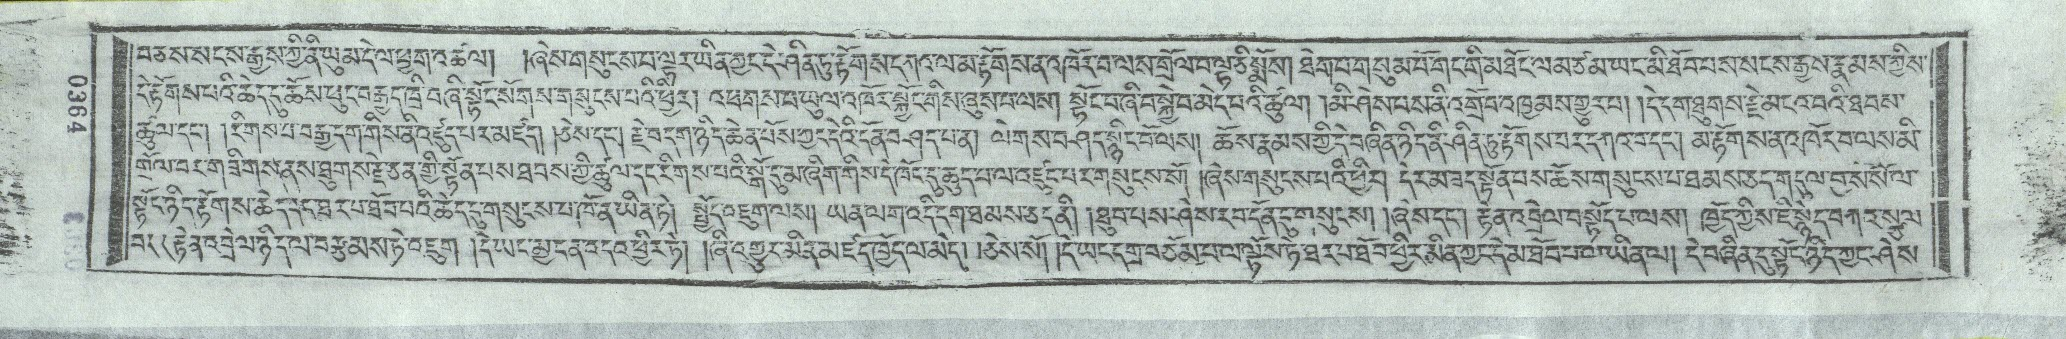བཅས་སངས་རྒྱས་ཀྱི་ནི་ཡུམ་དེ་ལ་ཕྱག་འཚལ། །ཞེས་གསུངས་པ་ལྟར་ཡིན་ཀྱང་དེ་ཤིན་ཏུ་རྟོགས་དཀའ་ལ་མ་རྟོགས་ན་འཁོར་བ་ལས་གྲོལ་བ་ལྟ་ཅི་སྨོས། ཐེག་པ་གསུམ་པོ་གང་གི་མཐོང་ལམ་ཙམ་ཡང་མི་ཐོབ་པས་སངས་རྒྱས་རྣམས་ཀྱིས་
དེ་རྟོགས་པའི་ཆེད་དུ་ཆོས་ཕུང་བརྒྱད་ཁྲི་བཞི་སྟོང་སོགས་གསུངས་པའི་ཕྱིར། འཕགས་པ་ཡུལ་འཁོར་སྐྱོང་གིས་ཞུས་པ་ལས། སྟོང་བཞི་བ་སྐྱེ་བ་མེད་པའི་ཚུལ། །མི་ཤེས་པས་ནི་འགྲོ་བ་འཁྱམས་གྱུར་བ། །དེ་དག་ཐུགས་རྗེ་མངའ་བའི་ཐབས་
ཚུལ་དང་། །རིགས་པ་བརྒྱ་དག་གིས་ནི་འཛུད་པར་མཛད། །ཅེས་དང་། རྗེ་བདག་ཉིད་ཆེན་པོས་ཀྱང་དེའི་དོན་བཤད་པ་ན། ལེགས་བཤད་སྙིང་པོ་ལས། ཆོས་རྣམས་ཀྱི་དེ་བཞིན་ཉིད་ནི་ཤིན་ཏུ་རྟོགས་པར་དཀའ་བ་དང་། མ་རྟོགས་ན་འཁོར་བ་ལས་མི་
གྲོལ་བར་གཟིགས་ནས་ཐུགས་རྗེ་ཅན་གྱི་སྟོན་པས་ཐབས་ཀྱི་ཚུལ་དང་རིགས་པའི་སྒོ་དུ་མ་ཞིག་གིས་དེ་ཁོང་དུ་ཆུད་པ་ལ་འཛུང་བར་གསུངས་སོ། །ཞེས་གསུངས་པའི་ཕྱིར། དེར་མ་ཟད་སྟོན་པས་ཆོས་གསུངས་པ་ཐམས་ཅད་གདུལ་བྱ་ས་སོ་ལ་
སྟོང་ཉིད་རྟོགས་ཆེད་དང་ཐར་པ་ཐོབ་པའི་ཆེད་དུ་གསུངས་པ་ཁོ་ན་ཡིན་ཏེ། སྤྱོད་འཇུག་ལས། ཡན་ལག་འདི་དག་ཐམས་ཅད་ནི། །ཐུབ་པས་ཤེས་རབ་དོན་དུ་གསུངས། །ཞེས་དང་། རྟེན་འབྲེལ་བསྟོད་པ་ལས། ཁྱོད་ཀྱིས་ཇེ་སྙེད་བཀའ་སྩལ་
བ༑ ༑རྟེན་འབྲེལ་ཉིད་ལ་བརྩམས་ཏེ་འཇུག །དེ་ཡང་མྱ་ངན་འདའ་ཕྱིར་ཏེ། །ཞི་འགྱུར་མིན་མཛད་ཁྱོད་ལ་མེད། །ཅེས་སོ། །དེ་ཡང་དགྲ་བཅོམ་པ་ལ་ལྟོས་ཏེ་ཐར་པ་ཐོབ་ཕྱིར་མིན་ཀྱང་དེ་མ་ཐོབ་པ་ལ་ཡིན་ལ། དེ་བཞིན་དུ་སྟོང་ཉིད་ཀྱང་ཤེས་